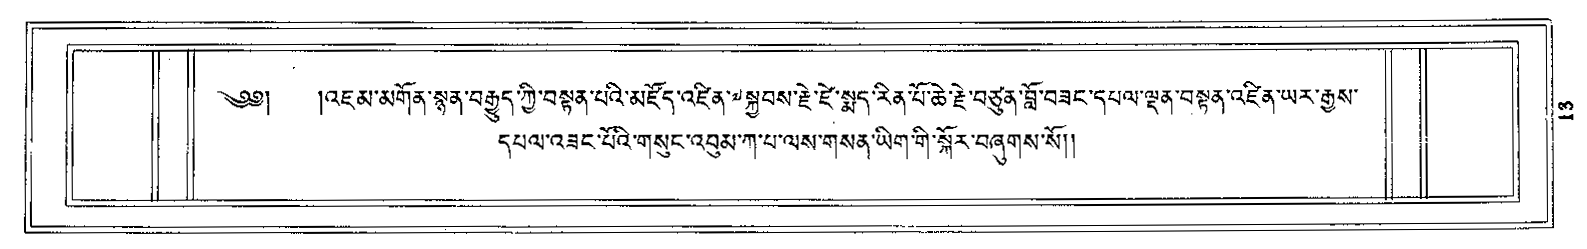༄༅། །འཇམ་མགོན་སྙན་བརྒྱུད་ཀྱི་བསྟན་པའི་མཛོད་འཛིན་༧་སྐྱབས་རྗེ་ཛེ་སྨད་རིན་པོ་ཆེ་རྗེ་བཙུན་བློ་བཟང་དཔལ་ལྡན་བསྟན་འཛིན་ཡར་རྒྱས་
དཔལ་འྯང་པོའི་གསུང་འབུམ་ཀ་པ་ལས་གསན་ཡིག་གི་སྐོར་བཞུགས་སོ།།